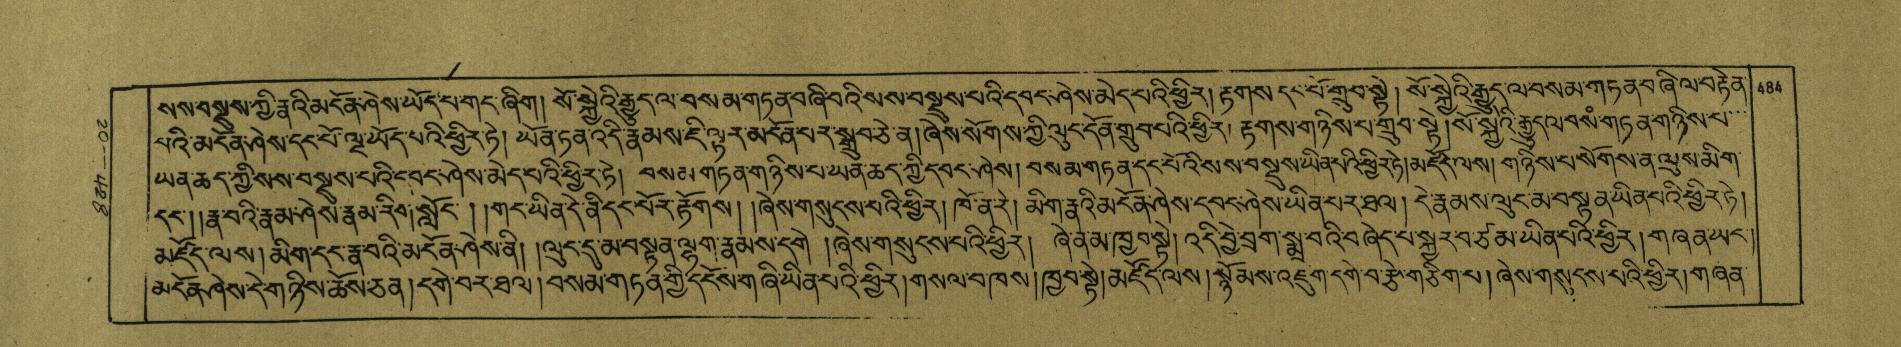སས་བསྡུས་ཀྱི་རྣའི་མངོན་ཤེས་ཡོད་པ་གང་ཞིག། སོ་སྐྱེའི་རྒྱུད་ལ་བསམ་གཏན་བཞི་བའི་སས་བསྡུས་པའི་དབང་ཤེས་མེད་པའི་ཕྱིར། རྟགས་དང་པོ་གྲུབ་སྟེ། སོ་སྐྱེའི་རྒྱུད་ལ་བསམ་གཏན་བཞི་ལ་བརྟེན་
པའི་མངོན་ཤེས་དང་པོ་ལྔ་ཡོད་པའི་ཕྱིར་ཏེ། ཡོན་ཏན་འདི་རྣམས་ཇི་ལྟར་མངོན་པར་སྒྲུབ་ཅེ་ན། ཞེས་སོགས་ཀྱི་ལུང་དོན་གྲུབ་པའི་ཕྱིར། རྟགས་གཉིས་པ་གྲུབ་སྟེ། སོ་སྐྱེའི་རྒྱུད་ལ་བསཾ་གཏན་གཉིས་པ་
ཡན་ཆད་ཀྱི་སས་བསྡུས་པའི་དབང་ཤེས་མེད་པའི་ཕྱིར་ཏེ། བསམ་གཏན་གཉིས་པ་ཡན་ཆད་ཀྱི་དབང་ཤེས། བསམ་གཏན་དང་པོའི་སས་བསྡུས་ཡིན་པའི་ཕྱིར་ཏེ། མཛོད་ལས། གཉིས་པ་སོགས་ན་ལུས་མིག་
དང་། །རྣ་བའི་རྣམ་ཤེས་རྣམ་རིག་སློང་། །གང་ཡིན་དེ་ནི་དང་པོར་རྟོགས། །ཞེས་གསུངས་པའི་ཕྱིར། ཁོ་ན་རེ། མིག་རྣའི་མངོན་ཤེས་དབང་ཤེས་ཡིན་པར་ཐལ། དེ་རྣམས་ལུང་མ་བསྟན་ཡིན་པའི་ཕྱིར་ཏེ།
མཛོད་ལས། མིག་དང་རྣ་བའི་མངོན་ཤེས་ནི། །ལུང་དུ་མ་བསྟན་ལྷག་རྣམས་དགེ །ཞེས་གསུངས་པའི་ཕྱིར། ཞེ་ན་མ་ཁྱབ་སྟེ། འདི་བྱེ་བྲག་སྨྲ་བའི་བཞེད་པ་སྐྱར་བ་ཙམ་ཡིན་པའི་ཕྱིར། གཞན་ཡང་།
མངོན་ཤེས་དེ་གཉིས་ཆོས་ཅན། དགེ་བར་ཐལ། བསམ་གཏན་གྱི་དངོས་གཞི་ཡིན་པའི་ཕྱིར། གསལ་བ་ཁས། ཁྱབ་སྟེ། མཛོད་ལས། སྙོམས་འཇུག་དགེ་བ་རྩེ་གཅིག་པ། ཞེས་གསུངས་པའི་ཕྱིར། གཞན་